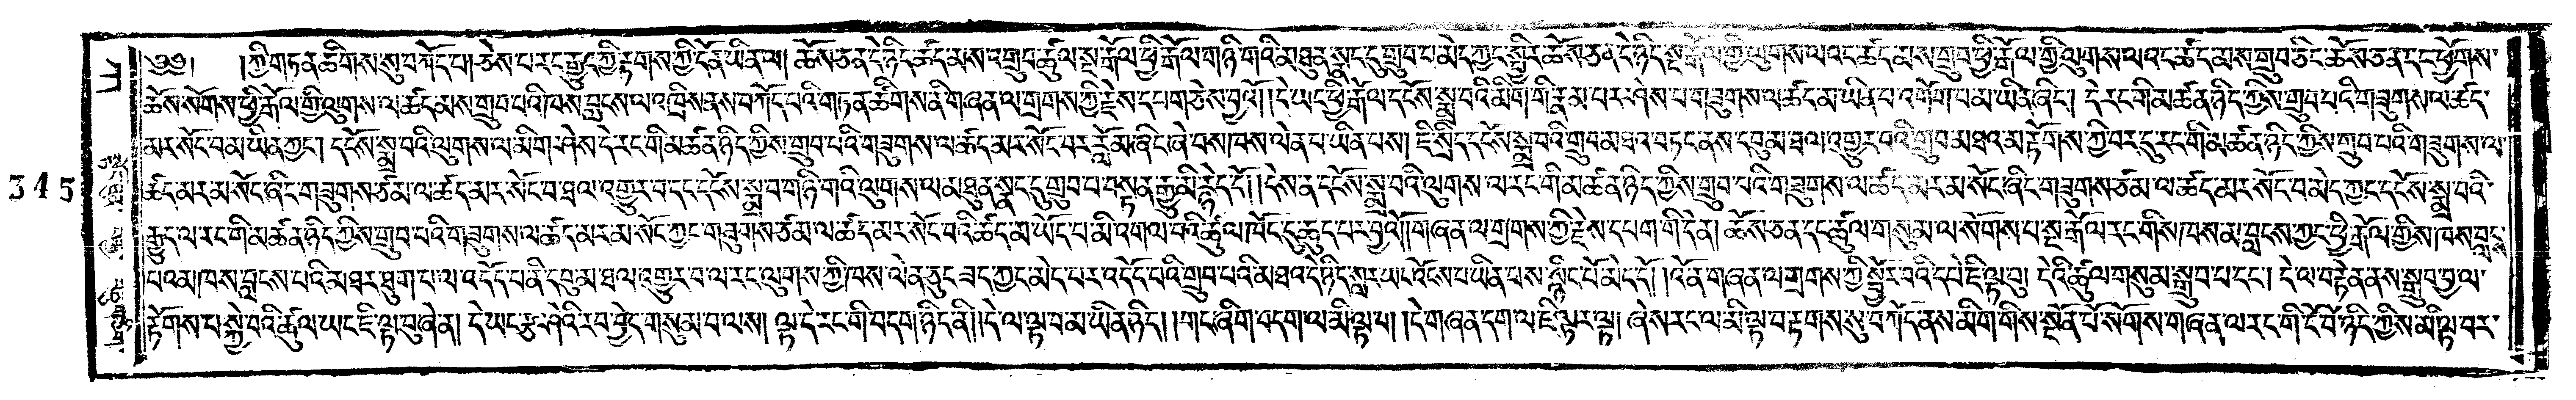༄༅། །ཀྱི་གཏན་ཚིགས་སུ་བཀོད་པ། ཅེས་པ་རང་རྒྱུད་ཀྱི་རྟགས་ཀྱི་དོན་ཡིན་ལ། ཆོས་ཅན་དེ་ཉིད་ཚད་མས་འགྲུབ་ཚུལ་སྔ་རྒོལ་ཕྱི་རྒོལ་གཉི་གའི་མཐུན་སྣང་དུ་གྲུབ་པ་མེད་ཀྱང་སྤྱིར་ཆོས་ཅན་དེ་ཉིད་སྔ་རྒོལ་གྱི་ལུགས་ལའང་ཚད་མས་གྲུབ་ཕྱི་རྒོལ་གྱི་ལུགས་ལའང་ཚད་མས་གྲུབ་ཅིང་ཆོས་ཅན་དང་ཕྱོགས་
ཆོས་སོགས་ཕྱི་རྒོལ་གྱི་ལུགས་ལ་ཚད་མས་གྲུབ་པའི་ཁས་བླངས་ལ་འཁྲིས་ནས་བཀོད་པའི་གཏན་ཚིགས་ནི་གཞན་ལ་གྲགས་ཀྱི་རྗེས་དཔག་ཅེས་བྱའོ། །དེ་ཡང་ཕྱི་རྒོལ་དངོས་སྨྲ་བའི་མིག་གི་རྣམ་པར་ཤེས་པ་གཟུགས་ལ་ཚད་མ་ཡིན་པ་འགོག་པ་མ་ཡིན་ཞིང་། དེ་རང་གི་མཚན་ཉིད་ཀྱིས་གྲུབ་པའི་གཟུགས་ལ་ཚད་
མར་སོང་བ་མ་ཡིན་ཀྱང་། དངོས་སྨྲ་བའི་ལུགས་ལ་མིག་ཤེས་དེ་རང་གི་མཚན་ཉིད་ཀྱིས་གྲུབ་པའི་གཟུགས་ལ་ཚད་མར་སོང་བར་རློམ་ཞིང་ཞེ་བས་ཁས་ལེན་པ་ཡིན་པས། ཇི་སྲིད་དངོས་སྨྲ་བའི་གྲུབ་མཐའ་བཏང་ནས་དབུ་མ་ཐལ་འགྱུར་བའི་གྲུབ་མཐའ་མ་རྟོགས་ཀྱི་བར་དུ་རང་གི་མཚན་ཉིད་ཀྱིས་གྲུབ་པའི་གཟུགས་ལ་
ཚད་མར་མ་སེང་ཞིང་གཟུགས་ཙམ་ལ་ཚད་མར་སོང་བ་ཐལ་འགྱུར་བ་དང་དངོས་སྨྲ་བ་གཉི་གའི་ལུགས་ལ་མཐུན་སྣང་དུ་གུབ་བ་བསྟན་རྒྱུ་མི་རྙེད་དོ། །དེས་ན་དངོས་སྨྲ་བའི་ལུགས་ལ་རང་གི་མཚན་ཉིད་ཀྱིས་གྲུབ་པའི་གཟུགས་ལ་ཚད་མར་མ་སོང་ཞིང་གཟུགས་ཙམ་ལ་ཚད་མར་སོང་བ་མེད་ཀྱང་དངོས་སྨྲ་བའི་
རྒྱུད་ལ་རང་གི་མཚན་ཉིད་ཀྱིས་གྲུབ་པའི་གཟུགས་ལ་ཚད་མར་མ་སོང་ཀྱང་གཟུགས་ཙམ་ལ་ཚད་མར་སོང་བའི་ཚད་མ་ཡོད་པ་མི་འགལ་བའི་ཚུལ་ཁོང་དུ་ཆུད་པར་བྱའོ། །གཞན་ལ་གྲགས་ཀྱི་རྗེས་དཔག་གི་དེན། ཆོས་ཅན་དང་ཚུལ་གསུམ་ལ་སོགས་པ་སྔ་རྒོལ་རང་གིས་ཁས་མ་བླངས་ཀྱང་ཕྱི་རྒོལ་གྱིས་ཁས་བླངས་
པའམ་ཁས་བླངས་པའི་མཐར་ཐུག་པ་ལ་འདོད་པ་ནི་དབུ་མ་ཐལ་འགྱུར་བ་ལ་རང་ལུགས་ཀྱི་ཁས་ལེན་ཅུང་ཟད་ཀྱང་མེད་པར་འདོད་པའི་གྲུབ་པའི་མཐའ་དེ་ཉིད་སླར་ཡང་འོངས་པ་ཡིན་པས་སྙིང་པོ་མེད་དོ། །འོ་ན་གཞན་ལ་གྲགས་ཀྱི་སྦྱོར་བའི་དཔེ་ཇི་ལྟ་བུ། དེའི་ཚུལ་གསུམ་སྒྲུབ་པ་དང་། དེ་ལ་བརྟེན་ནས་སྒྲུབ་བྱ་ལ་
རྟོགས་པ་སྐྱེ་བའི་ཚུལ་ཡང་ཇི་ལྟ་བུ་ཞེ་ན། དེ་ཡང་རྩ་ཤེའི་རབ་བྱེད་གསུམ་བ་ལས། ལྟ་དེ་རང་གི་བདག་ཉིད་ནི། །དེ་ལ་ལྟ་བ་མ་ཡིན་ཉིད། །གང་ཞིག་བདག་ལ་མི་ལྟ་པ། །དེ་གཞན་དག་ལ་དི་ལྟར་ལྟ། ཞེས་རང་ལ་མི་ལྟ་བ་རྟགས་སུ་བཀོད་ནས་མིག་གིས་སྔོན་པོ་སོགས་གཞན་ལ་རང་གི་ངོ་བོ་ཉིད་ཀྱིས་མི་ལྟ་བར་